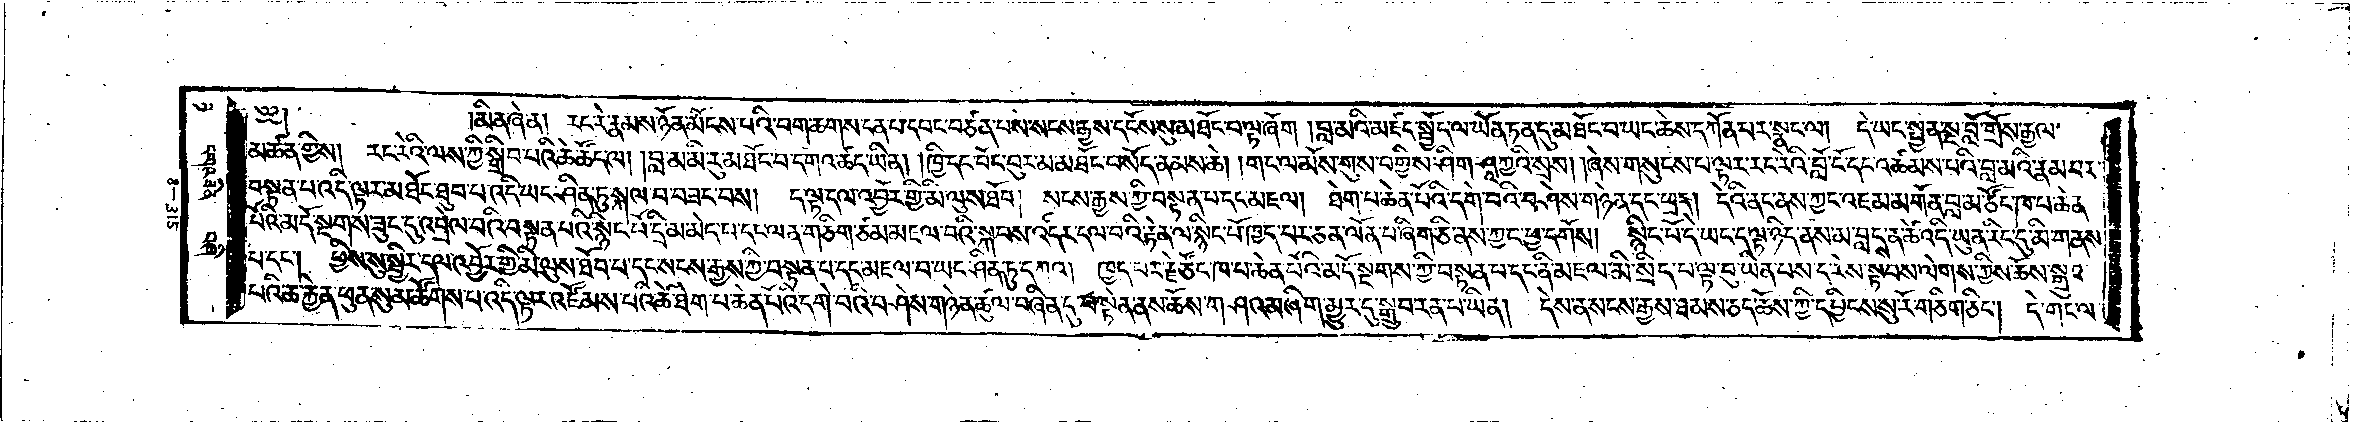༄༅། །མིན་ཞེ་ན། རང་རེ་རྣམས་ཉོན་མོངས་པའི་བག་ཆགས་ངན་པ་དབང་བཙན་པས་སངས་རྒྱས་དངོས་སུ་མཐོང་བ་ལྟ་ཞོག །བླ་མའི་མཛད་སྤྱོད་ལ་ཡོན་ཏན་དུ་མཐོང་བ་ཡང་ཆེས་དཀོན་པར་སྣང་ལ། དེ་ཡང་སྤྱན་སྔ་བློ་གྲོས་རྒྱལ་
མཚན་གྱིས། རང་རེའི་ལས་ཀྱི་སྒྲིབ་པའི་ཆེ་ཚོད་ལ། །བླ་མ་མི་རུ་མཐོང་བ་དགའ་ཚད་ཡིན། །ཁྱི་དང་བོང་བུར་མ་མཐོང་བསོད་ནམས་ཆེ། །གང་ལ་མོས་གུས་བགྱིས་ཤིག་ཤཱཀྱའི་སྲས། །ཞེས་གསུངས་པ་ལྟར་རང་རེའི་བློ་ངོ་དང་འཚམས་པའི་བླ་མའི་རྣམ་པར་
བསྟན་པ་འདི་ལྟར་མཐོང་ཐུབ་པ་འདི་ཡང་ཤིན་ཏུ་སྐལ་བ་བཟང་བས། ད་ལྟ་དལ་འབྱོར་གྱི་མི་ལུས་ཐོབ། སངས་རྒྱས་ཀྱི་བསྟན་པ་དང་མཇལ། ཐེག་པ་ཆེན་པོའི་དགེ་བའི་བཤེས་གཉེན་དང་ཕྲད། དེའི་ནང་ནས་ཀྱང་འཇམ་མགོན་བླ་མ་ཙོང་ཁ་པ་ཆེན་
པོའི་མདོ་སྔགས་ཟུང་དུ་འབྲེལ་བའི་བསྟན་པའི་སྙིང་པོ་དྲི་མ་མེད་པ་དང་ལན་གཅིག་ཙམ་མཇལ་བའི་སྐབས་འདིར་དལ་པའི་རྟེན་ལ་སྙིང་པོ་ཁྱད་པར་ཅན་ལོན་པ་ཞིག་ཅི་ནས་ཀྱང་བྱ་དགོས། སྙིང་པོ་དེ་ཡང་ད་ལྟ་ཉིད་ནས་མ་བླང་ན་ཚེ་འདི་ཡུན་རིང་དུ་མི་གནས་
པ་དང་། ཕྱིས་སུ་སྤྱིར་དལ་འབྱོར་གྱི་མི་ལུས་ཐོབ་པ་དང་སངས་རྒྱས་ཀྱི་བསྟན་པ་དང་མཇལ་བ་ཡང་ཤིན་ཏུ་དཀའ། ཁྱད་པར་རྗེ་ཙོང་ཁ་པ་ཆེན་པོའི་མདོ་སྔགས་ཀྱི་བསྟན་པ་དང་ནི་མཇལ་མི་སྲིད་པ་ལྟ་བུ་ཡིན་པས་ད་རེས་སྟབས་ལེགས་ཀྱིས་ཆོས་སྒྲུབ་
པའི་ཆ་རྐྱེན་ཕུན་སུམ་ཚོགས་པ་འདི་ལྟར་འཛོམས་པའི་ཚེ་ཐེག་པ་ཆེན་པོའི་དགེ་བའི་བཤེས་གཉེན་ཚུལ་བཞིན་དུ་བསྟེན་ནས་ཆོས་གཤའ་མ་ཞིག་མྱུར་དུ་སྒྲུབ་རན་པ་ཡིན། དེས་ན་སངས་རྒྱས་ཐམས་ཅད་ཆོས་ཀྱི་དབྱིངས་སུ་རོ་གཅིག་ཅིང་། དེ་གང་ལ་